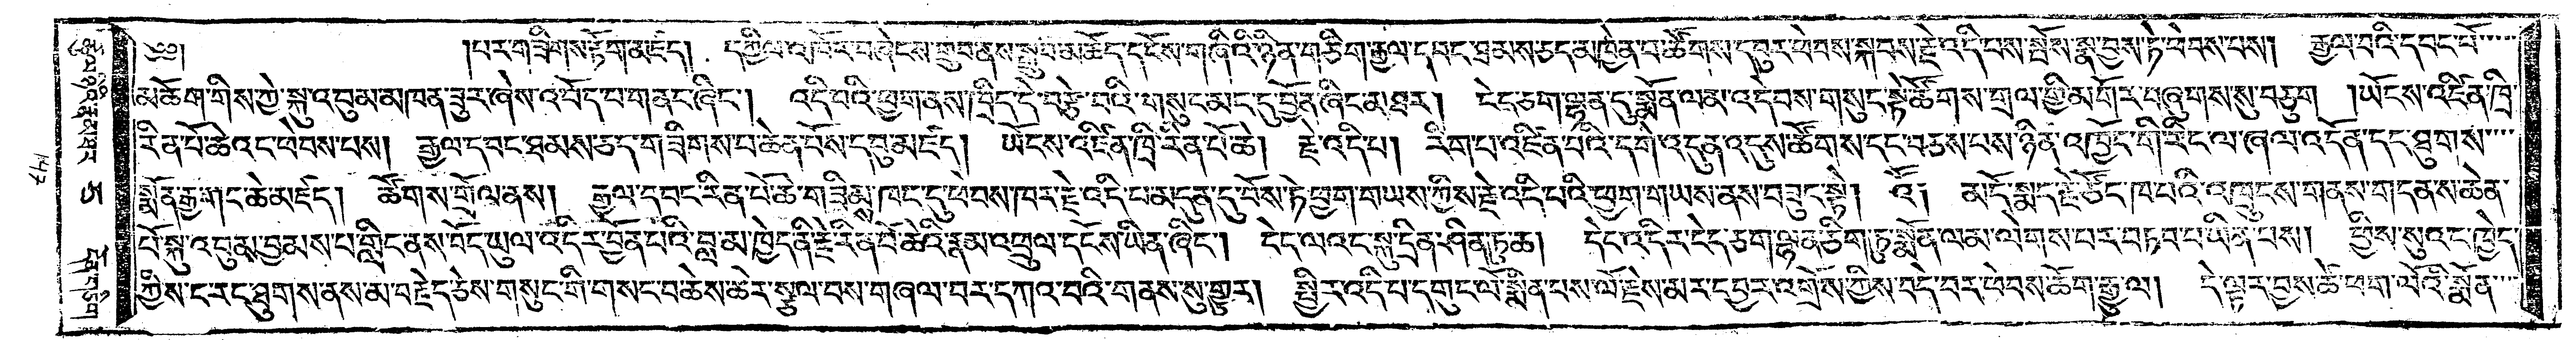༄༅། །པར་གཟིགས་རྟོག་མཛད། དཀྱིལ་འཁོར་བཞེངས་གྲུབ་ནས་སྒྲུབ་མཆོད་དངོས་གཞིའི་ཉིན་གཅིག་རྒྱལ་དབང་ཐམས་ཅད་མཁྱེན་པ་ཚོགས་དབུར་ཕེབས་སྐབས་རྗེ་འདི་བས་སྦོས་སྣ་བྱས་ཏེ་ཕེབས་པས། རྒྱལ་བའི་དབང་པོ་
མཆོག་གིས་ཀྱེ་སྐུ་འབུམ་མཁན་ཟུར་ཞེས་འབོད་པ་གནང་ཞིང་། འདི་པའི་ཕྱག་ནས་ཁྲིད་དེ་བརྩེ་བའི་གསུང་མང་དུ་བྱོན་ཞིང་མཐར། དེད་ཅག་ལྷན་དུ་སྨོན་ལམ་འདེབས་གསུང་སྟེ་ཚོགས་གྲལ་གྱི་མགོར་བཞུགས་སུ་བཅུག །ཡོངས་འཛིན་ཁྲི་
རིན་པོ་ཆེའང་ཕེབས་པས། རྒྱལ་དབང་ཐམས་ཅད་གཟིགས་པ་ཆེན་བོས་དབུ་མཛད། ཡོངས་འཛིན་ཁྲི་རིན་པོ་ཆེ། རྗེ་འདི་པ། རིག་པ་འཛིན་པའི་དགེ་འདུན་འདུས་ཚོགས་ངང་བཅས་པས་ཉིན་འཁྱོང་གི་རིང་ལ་ཞལ་འདོན་དང་ཐུགས་
སྨོན་རྒྱ་གང་ཆེ་མཛད། ཚོགས་གྲོལ་ནས། རྒྱལ་དབང་རིན་པོ་ཆེ་གཟིམས་ཁང་དུ་ཕེབས་ཁར་རྗེ་འདི་པ་མདུན་དུ་བོས་ཏེ་ཕྱག་གཡས་ཀྱིས་རྗེ་འདི་པའི་ཕྱག་གཡས་ནས་བཟུང་སྟེ། འོ༑ མདོ་སྨད་རྗེ་ཙོང་ཁ་པའི་འཁྲུངས་གནས་གདན་ས་ཆེན་
པོ་སྐུ་འབུམ་བྱམས་བ་གླིང་ནས་བོད་ཡུལ་འདིར་བྱོན་པའི་བླ་མ་ཁྱེད་ནི་རྗེ་རིན་པོ་ཆེའི་རྣམ་འཕྲུལ་དངོས་ཡིན་ཞིང་། ངེད་ལའང་སྐུ་དྲིན་ཤིན་ཏུ་ཆེ། དེང་འདིར་ངེད་ཅག་ལྷན་ཅིག་ཏུ་སྨོན་ལམ་ལེགས་པར་བཏབ་པ་ཡིན་པས། ཕྱིས་སུའང་ཁྱེད་
ཀྱིས་ང་རང་ཐུགས་ནས་མ་བརྗེད་ཅེས་གསུང་གི་གསང་བ་ཆེས་ཆེར་སྩལ་བས་གཞལ་བར་དཀའ་བའི་གནས་སུ་གྱུར། སྤྱིར་འདི་པ་དགུང་ལོ་སྨིན་པས་ལོ་རྗེས་མར་དབྱར་འགྲོས་ཀྱིས་བདེ་བར་ཕེབས་ཆོག་རྒྱུ་ལ། དེ་ལྟར་བྱས་ཚེ་ཕག་ལོའི་སྨོན་